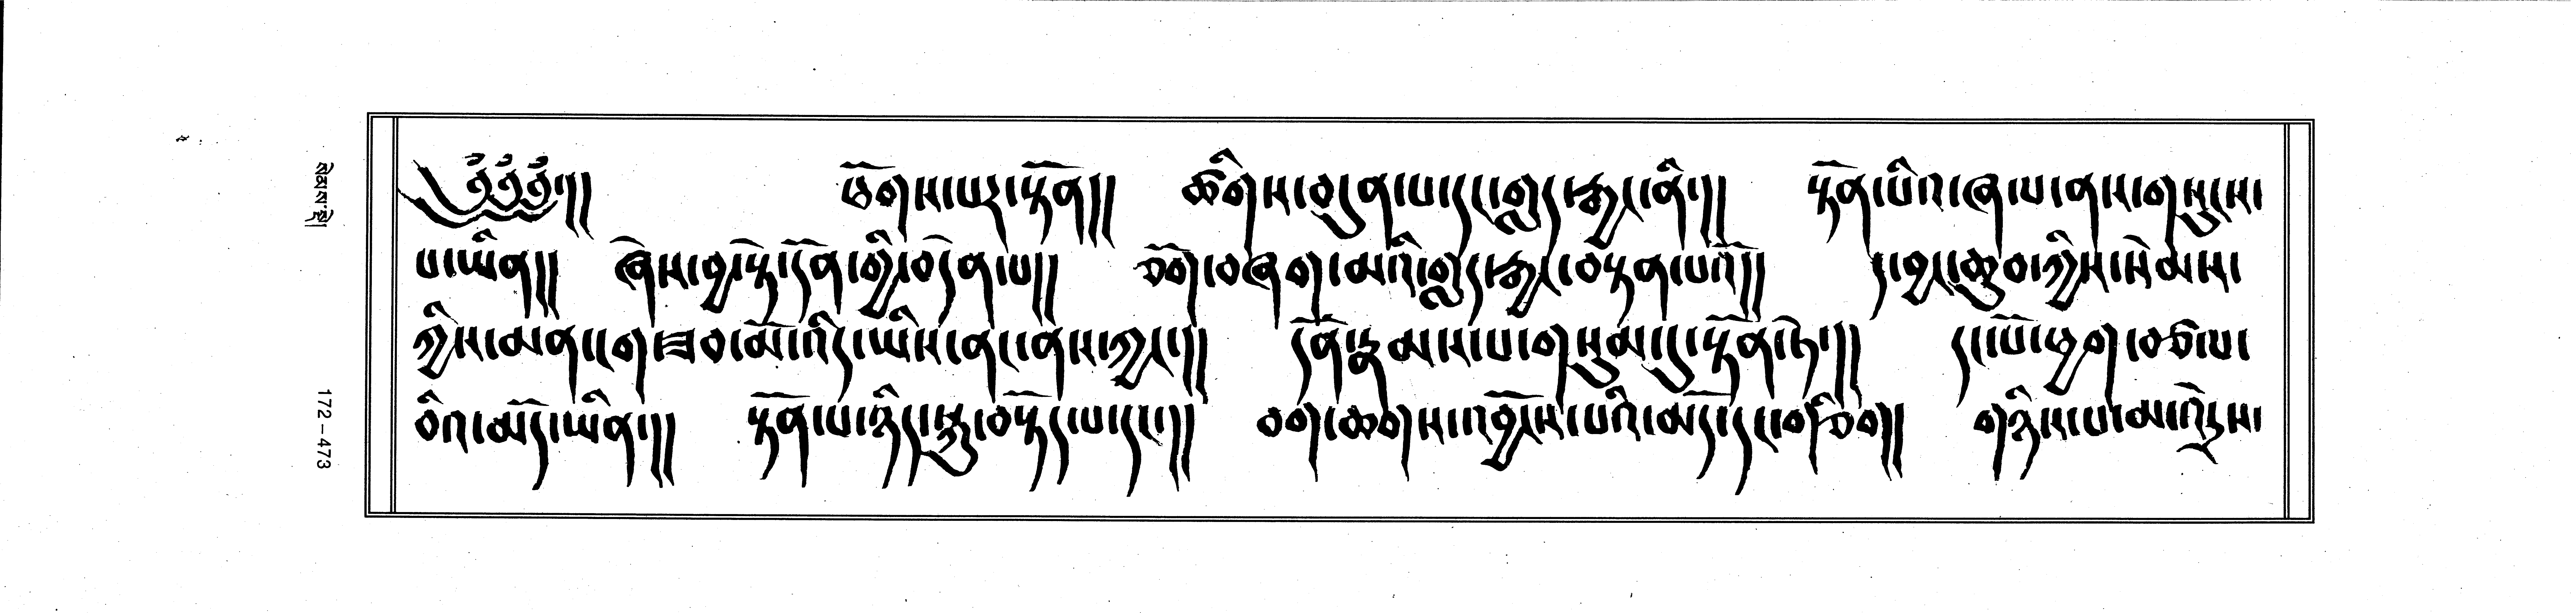ཕོགས་པར་སྟོན། ཚིགས་བདུན་པ་དང་གླད་རྒྱང་ནི། སྟོན་པའི་ཞལ་ནས་གསུངས་
པ་ཡིན། ཞེས་བྱ་སྟེ་དོན་གྱི་བདེན་པ། ཅོག་བཞག་མའི་གླད་རྒྱང་བསྟན་པའོ། ད་བྱང་ཆུབ་ཀྱིས་སེམས་
ཀྱིས་མན་ངག་ཟབ་མོ་འདི་ཡིས་ནང་ནས་ཀྱང་། དོན་རྣམ་པ་གསུམ་དུ་སྟོན་ཏེ། དང་པོ་ཕྱག་བཙལ་
བའི་མདོ་ཡིན། སྟོན་པ་ཉིད་སྐུ་བསྟོད་པ་དང་། བག་ཆགས་འབྱོངས་པའི་མདོ་དང་གཅིག གཉིས་པ་མ་འདྲེས་